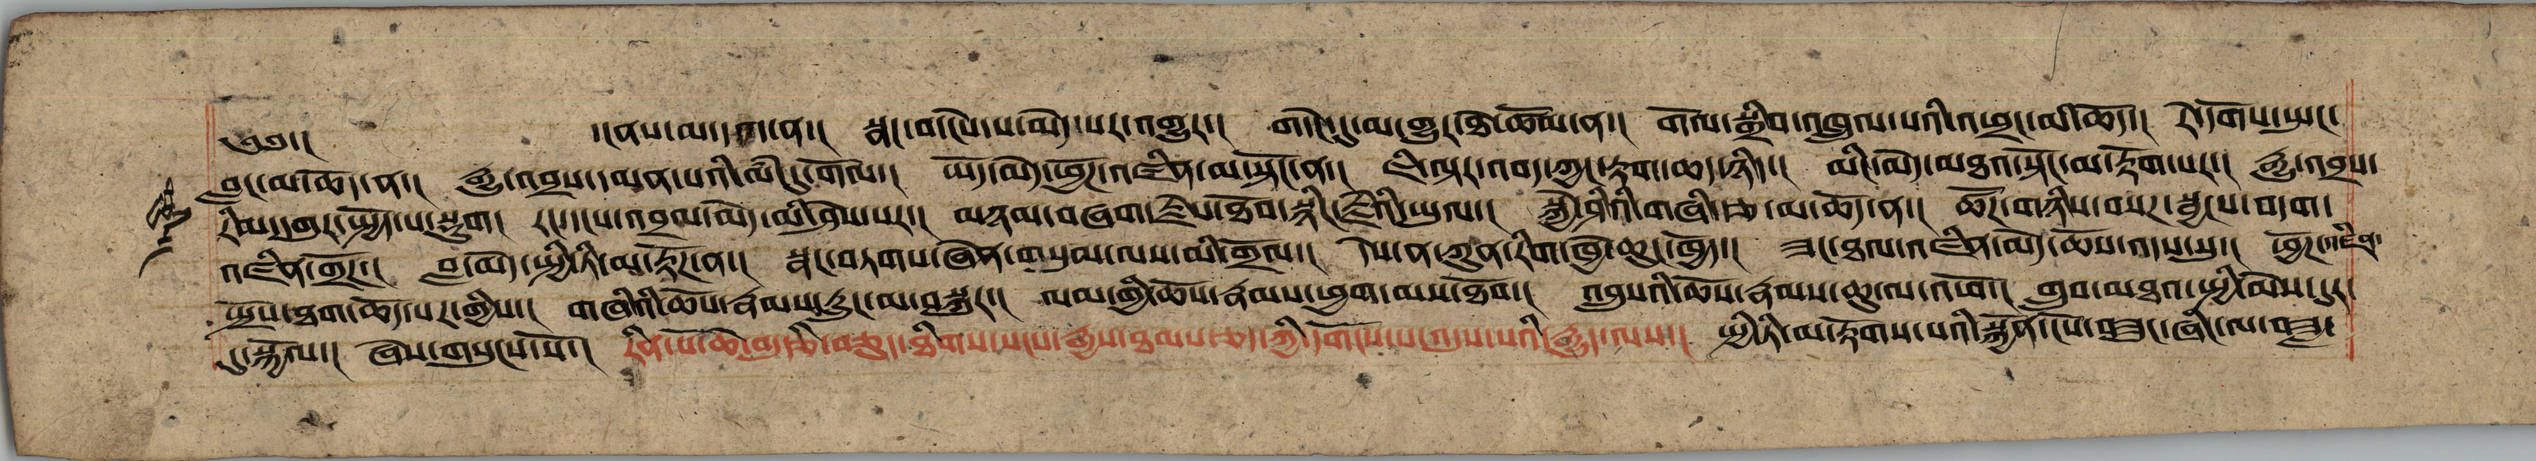༄༅་། ་།ནས་མ་རྩད་ན་། སྣང་བ་ངེས་པམེད་པར་འགྱུར་། གདེང་དུ་མ་གྱུར་ཐེ་ཚོམ་ན་། གོལ་སྒྲིབ་འཁྲུལཔའི་འཕྲང་མི་ཆོད་། རེ་དོགས་སྤང་
བླང་མ་ཆོད་ན་། རྒྱུ་འབྲས་དམན་པའི་ལཾ་དུ་གོལ་། ཡོད་མེད་ཕྱོཌ་འཛིན་མ་སྟོང་ན་། ཇི་ལྟར་འབད་ཀྱང་རྟག་ཆད་ཉིད་། མིང་མེད་མཐའ་སྟོང་མ་རྟོག་པར་། རྒྱུ་འབྲས་
རིམ་དགུར་སྤྱོད་པ་སྡུག། རང་དངས་འབྲལ་མེད་མི་ཤེས་པར་། མཉམ་བཞག་རྗེས་ཐོབ་སྙིང་རྗེའི་ཡུལ་། སྐྱེ་ཤིའི་གཞི་རྩ་མ་ཆོད་ན་། ཚོཌ་གཉིས་བསཌ་སྦྱངས་བདག་
འཛིན་གྲོཌ་། བླ་མེད་སྤྱི་ཏི་མ་རྟོཌ་ན་། སྣང་བཏགས་ཞེན་གསུམ་ལས་མི་གྲོལ་། དེས་ན་ཀུན་རིག་ཁྱེ་ཆུང་ཁྱོད་། ཟང་ཐལ་འཛིན་མེད་ཆོས་འདས་སུ་། ཕྱོཌ་འཛིན་
སྤྲོས་ཐག་ཆོད་པར་གྱིས་། གཞིའི་ཆོས་རྣམས་རླུང་མ་བསྐུར་། ལམ་གྱི་ཆོས་རྣམས་ཕྱག་མས་ཐོབ་། འབྲུསའི་ཆོས་རྣམས་ཆུ་ལ་འཕོ་། གྲུབ་མཐའ་སྤྱི་མེས་དུར་
དུ་སྐྱོལ་། ཞེས་གསུངས་སོ་། རིན་པོ་ཆེ་བདུདཅི་བཅུད་ཐིགས་སངས་རྒྱས་ཐམས་ཅད་ཀྱི་དགོངས་པ་འདུས་པའི་རྒྱུད་ལས་། སྤྱི་ཏི་མ་རྟོགས་པའི་སྐྱོན་ངོས་བཟུང་ཞིང་ལ་བཟླ་